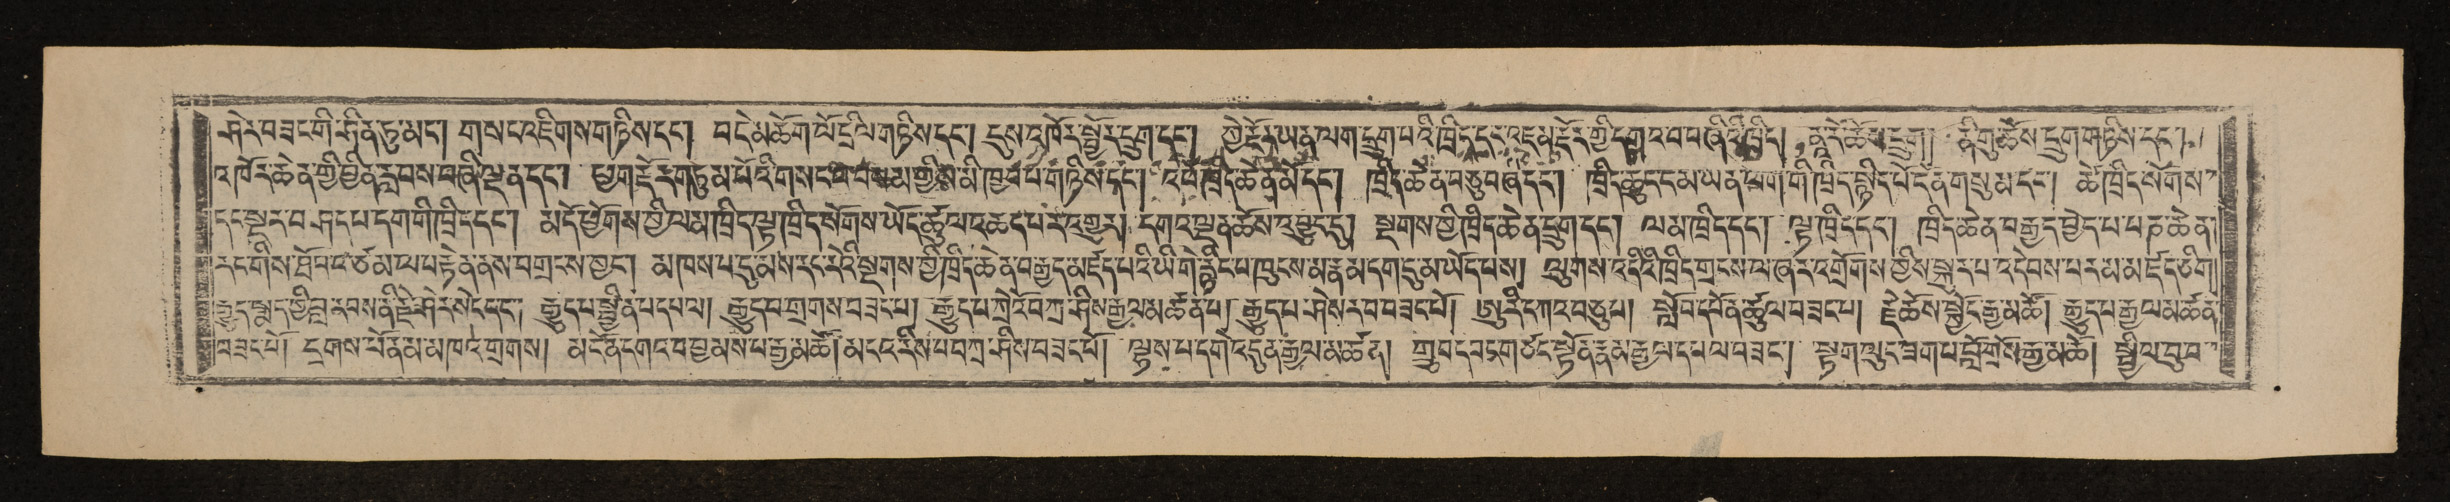ཤེར་བཟང་གི་ཤིན་ཏུ་མང་། གསང་འཇིགས་གཉིས་དང་། བདེ་མཆོག་ལོ་དྲིལ་གཉིས་དང་། དུས་འཁོར་སྦྱོར་དྲུག་དང་། ཀྱེ་རྡོར་ཡན་ལག་དྲུག་པའི་ཁྲིད་དང་འཇམ་རྡོར་གྱི་དགའ་བ་བཞིའི་ཁྲིད། ནཱ་རོ་ཆོས་དྲུག། ནི་གུ་ཆོས་དྲུག་གཉིས་དང་།
འཁོར་ཆེན་གྱི་བྱིན་རླབས་བཞི་ལྡན་དང་། ཕྱག་རྡོར་གཏུམ་པོའི་གསང་བ་བསམ་གྱིས་མི་ཁྱབ་པ་གཉིས་དང་། འཕོ་ཁྲིད་ཆེན་མོ་དང་། ཁྲིད་ཆེན་བཅུ་བཞི་དང་། ཁྲིད་ཆུང་ངམ་ཡན་ལག་གི་ཁྲིད་སྙིང་པོ་དོན་གསུམ་དང་། ཚེ་ཁྲིད་སོགས་
དང་སྔར་བཤད་པ་དག་གི་ཁྲིད་དང་། མདོ་ཕྱོགས་ཀྱི་ལམ་ཁྲིད་ལྟ་ཁྲིད་སོགས་ཡོད་ཚུལ་འཆད་པར་འགྱུར། དགའ་ལྡན་ཆོས་འབྱུང་དུ། སྔགས་ཀྱི་ཁྲིད་ཆེན་དྲུག་དང་། ལམ་ཁྲིད་དང་། ལྟ་ཁྲིད་དང་། ཁྲིད་ཆེན་བརྒྱད་བྱེད་པ་པཎ་ཆེན་
རང་གིས་ཐོབ་པ་ཙམ་ལ་བརྟེན་ནས་བགྲངས་ཀྱང་། མཁས་པ་དུ་མས་རང་རེའི་སྔགས་ཀྱི་ཁྲིད་ཆེན་བརྒྱད་མཛད་པའི་ཡི་གེ་རྙིང་བ་ཁུངས་མ་རྣམ་དག་དུ་མ་ཡོད་པས། ལུགས་འདིའི་ཁྲིད་གྲངས་ལ་ཞར་འགྲོགས་ཀྱིས་སྐུར་པ་འདེབས་པར་མ་མཛད་ཅིག།
རྒྱུད་སྨད་ཀྱི་བླ་རབས་ནི་རྗེ་ཤེར་སེང་དང་། རྒྱུད་པ་སྦྱིན་པ་དཔལ། རྒྱུད་པ་གྲགས་བཟང་པ། རྒྱུད་པ་ཀྲེའོ་བཀྲ་ཤིས་རྒྱལ་མཚན་པ། རྒྱུད་པ་ཤེས་རབ་བཟང་པོ། ཨུ་རི་དཀའ་བཅུ་པ། སློབ་དཔོན་ཚུལ་བཟང་པ། རྗེ་ཆོས་སྐྱོང་རྒྱ་མཚོ། རྒྱུད་པ་རྒྱལ་མཚན་
བཟང་པོ། དྭགས་བོ་ནམ་མཁའ་གྲགས། མངོན་དགའ་བ་བྱམས་པ་རྒྱ་མཚོ། མངའ་རིས་བ་བཀྲ་ཤིས་བཟང་པོ། ལྷས་པ་དགེ་འདུན་རྒྱལ་མཚན། གྲུབ་དབང་གཙང་སྟོན་རྣམ་རྒྱལ་དཔལ་བཟང་། སྟག་ལུང་བྲག་པ་བློ་གྲོས་རྒྱ་མཚོ། སྤྱིལ་བུ་བ་